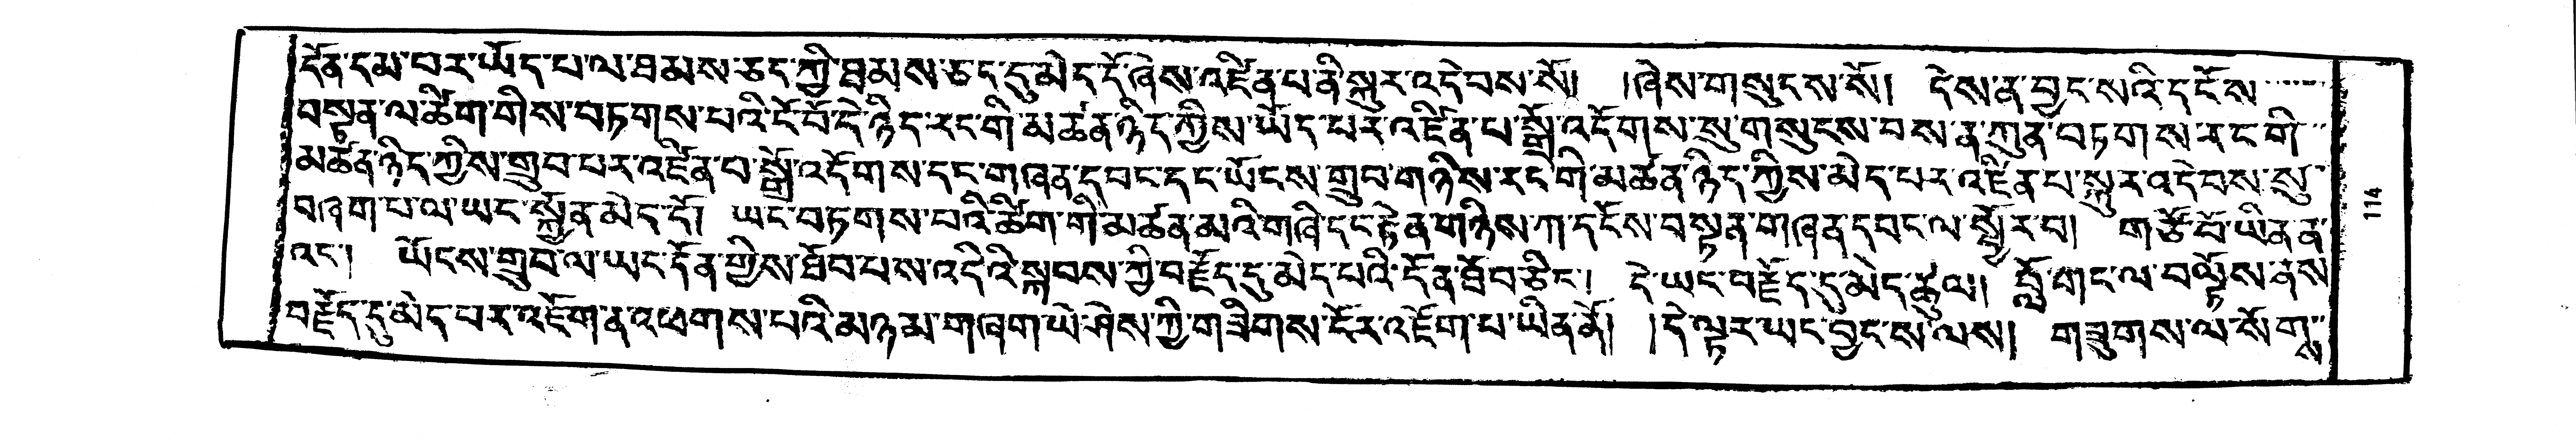དོན་དམ་པར་ཡོད་པ་ལ་ཐམས་ཅད་ཀྱི་ཐམས་ཅད་དུ་མེད་དོ་ཞེས་འཛིན་པ་ནི་སྐུར་འདེབས་སོ། །ཞེས་གསུངས་སོ། དེས་ན་བྱང་སའི་དངོས་
བསྟན་ལ་ཚིག་གིས་བཏགས་པའི་ངོ་བོ་དེ་ཉིད་རང་གི་མཚན་ཉིད་ཀྱིས་ཡོད་པར་འཛིན་པ་སྒྲོ་འདོགས་སུ་གསུངས་པས་ན་ཀུན་བཏགས་རང་གི་
མཚན་ཉིད་ཀྱིས་གྲུབ་པར་འཛིན་པ་སྒྲོ་འདོགས་དང་གཞན་དབང་དང་ཡོངས་གྲུབ་གཉིས་རང་གི་མཚན་ཉིད་ཀྱིས་མེད་པར་འཛིན་པ་སྐུར་འདེབས་སུ་
བཞག་པ་ལ་ཡང་སྐྱོན་མེད་དོ། ཡང་བཏགས་པའི་ཚིག་གི་མཚན་མའི་གཞི་དང་རྟེན་གཉིས་ཀ་དངོས་བསྟན་གཞན་དབང་ལ་སྦྱོར་བ། གཙོ་བོ་ཡིན་ན་
འང་། ཡོངས་གྲུབ་ལ་ཡང་དོན་གྱིས་ཐོབ་པས་འདིའི་སྐབས་ཀྱི་བརྗོད་དུ་མེད་པའི་དོན་ཐོབ་ཅིང་། དེ་ཡང་བརྗོད་དུ་མེད་ཚུལ། བློ་གང་ལ་བལྟོས་ནས་
བརྗོད་དུ་མེད་པར་འཇོག་ན་འཕགས་པའི་མཉམ་གཞག་ཡེ་ཤེས་ཀྱི་གཟིགས་ངོར་འཇོག་པ་ཡིན་ནོ། །དེ་ལྟར་ཡང་བྱང་ས་ལས། གཟུགས་ལ་སོགས་